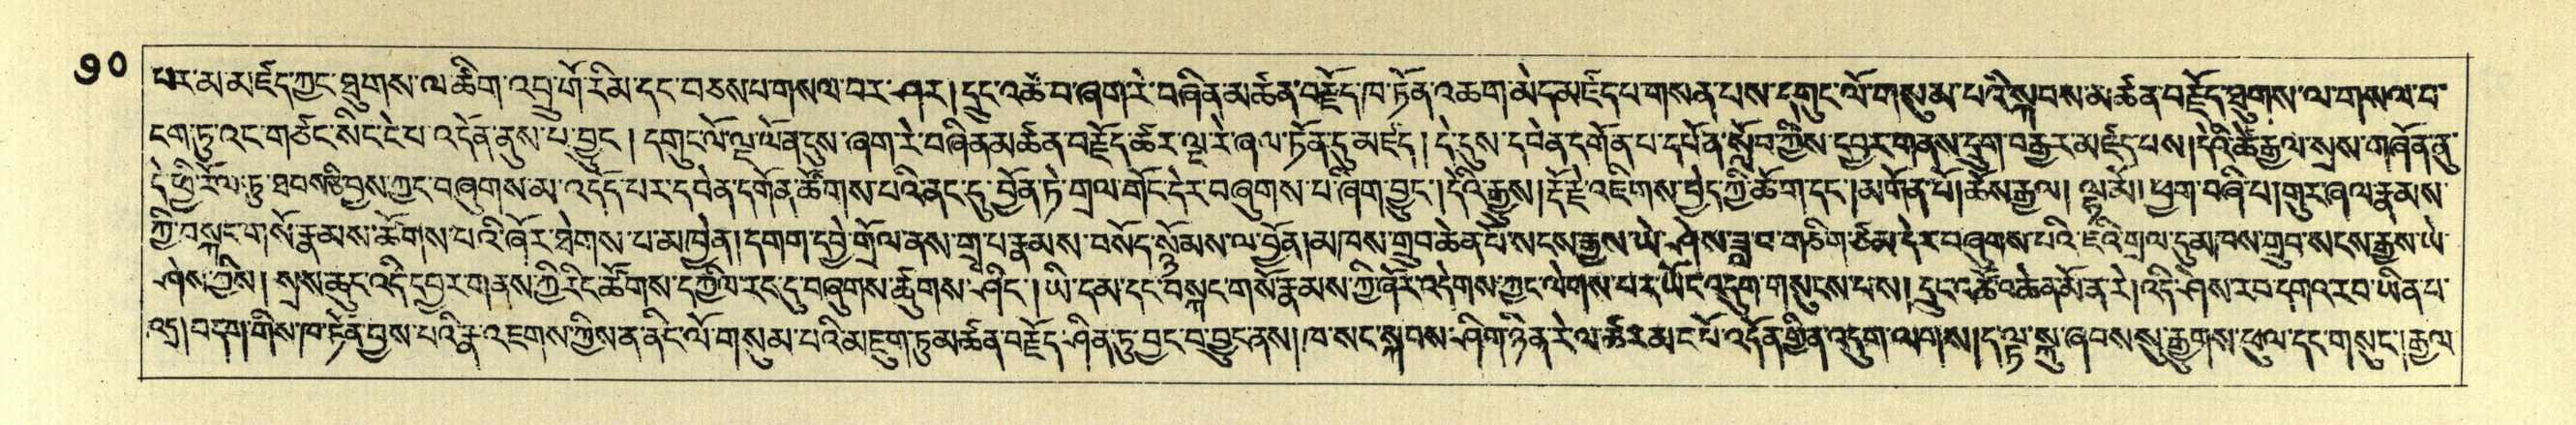པར་མ་མཛད་ཀྱང་ཐུགས་ལ་ཚིག་འབྲུ་གོ་རིམ་དང་བཅས་པ་གསལ་བར་ཤར། དྲུང་འཚོ་བ་ཞག་རེ་བཞིན་མཚན་བརྗོད་ཁ་ཏོན་འཆག་མེད་མཛད་པ་གསན་པས་དགུང་ལོ་གསུམ་པའི་སྐབས་མཚན་བརྗོད་ཐུགས་ལ་གསལ་བ་
ངག་ཏུ་འང་གཙང་སེང་ངེ་པ་འདོན་ནུས་པ་བྱུང་། དགུང་ལོ་ལྔ་ལོན་དུས་ཞག་རེ་བཞིན་མཚན་བརྗོད་ཚར་ལྔ་རེ་ཞལ་ཏོན་དུ་མཛད། དེ་དུས་དབེན་དགོན་པ་དཔོན་སློབ་ཀྱིས་དབྱར་གནས་དྲུག་བརྒྱར་མཛད་པས། དེའི་ཚེ་རྒྱལ་སྲས་གཞོན་ནུ་
དེ་ཕྱི་རོལ་ཏུ་ཐབས་ཅི་བྱས་ཀྱང་བཞུགས་མ་འདོད་པར་དབེན་དགོན་ཚོགས་པའི་ནང་དུ་བྱོན་ཏེ་གྲལ་གོང་དེར་བཞུགས་པ་ཞིག་བྱུང་། དེའི་རྒྱུས། རྡོ་རྗེ་འཇིགས་བྱེད་ཀྱི་ཆོ་ག་དང་། མགོན་པོ། ཆོས་རྒྱལ། ལྷ་མོ། ཕྱག་བཞི་པ། གུར་ཞལ་རྣམས་
ཀྱི་བསྐང་གསོ་རྣམས་ཚོགས་པའི་ཞོར་ཐེགས་པ་མཁྱེན། དགག་དབྱེ་གྲོལ་ནས་གྲྭ་པ་རྣམས་བསོད་སྙོམས་ལ་བྱོན། མཁས་གྲུབ་ཆེན་པོ་སངས་རྒྱས་ཡེ་ཤེས་ཟླ་བ་གཅིག་ཙམ་དེར་བཞུགས་པའི་ཇའི་གྲལ་དུ་མཁས་གྲུབ་སངས་རྒྱས་ཡེ་
ཤེས་ཀྱིས། སྲས་ཆུང་འདི་དབྱར་གནས་ཀྱི་རིང་ཚོགས་དཀྱིལ་རང་དུ་བཞུགས་ཚུགས་ཤིང་། ཡི་དམ་དང་བསྐང་གསོ་རྣམས་ཀྱི་ཞོར་འདེགས་ཀྱང་ལེགས་པར་ཡོང་འདུག་གསུངས་པས། དྲུང་འཚོ་འཆེན་མོ་ན་རེ། འདི་ཤེས་རབ་དགའ་རབ་ཡིན་པ་
འདྲ། བདག་གིས་ཁ་ཏོན་བྱས་པའི་རྣ་འཇགས་ཀྱིས་ན་ནིང་ལོ་གསུམ་པའི་མཇུག་ཏུ་མཚན་བརྗོད་ཤིན་ཏུ་བྱང་བ་བྱུང་ནས། ཁ་སང་སྐབས་ཤིག་ཉིན་རེ་ལ་ཚར་མང་པོ་འདོན་གྱིན་འདུག་ལགས། ད་ལྟ་སྐུ་ཞབས་སུ་རྒྱུགས་ཕུལ་དང་གསུང་། རྒྱལ་